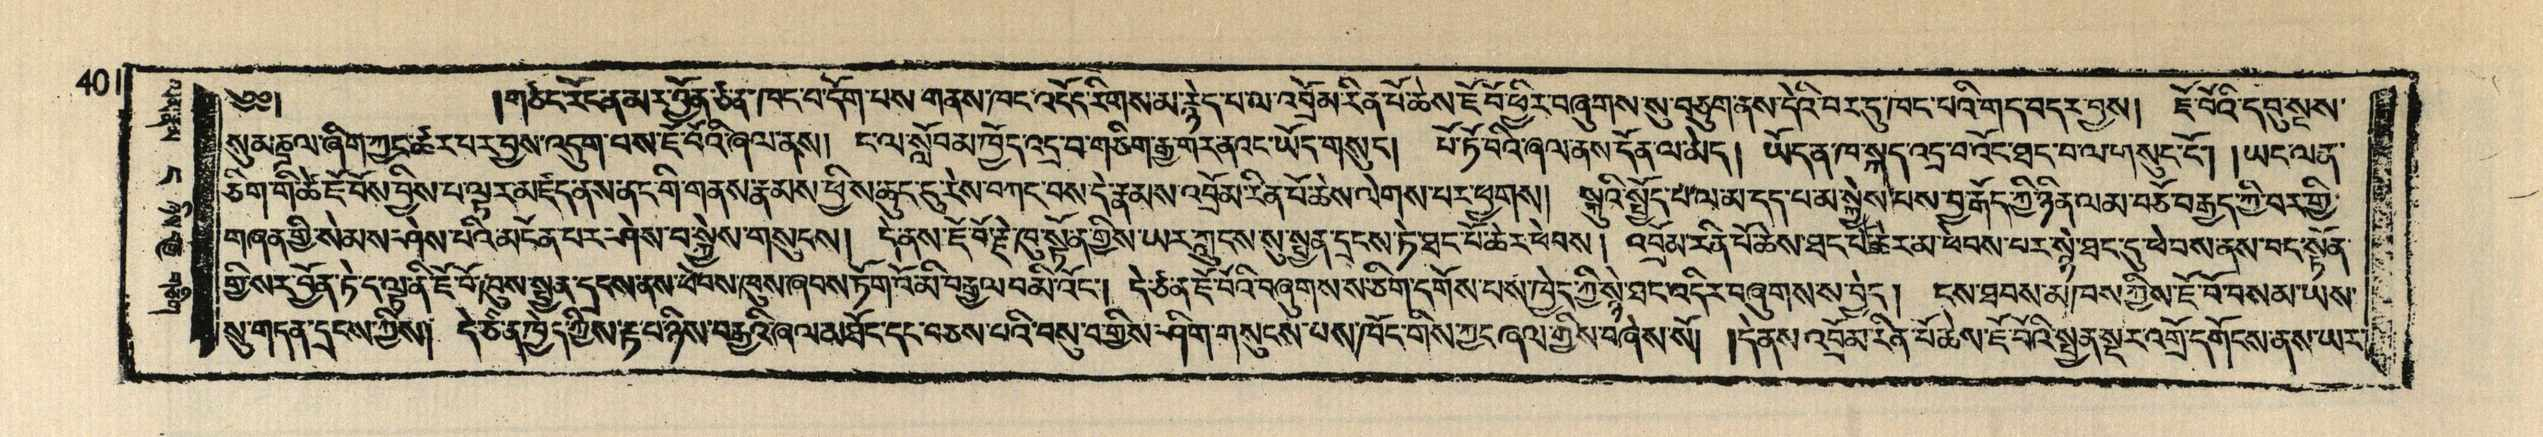༄༅། །གཙང་རོང་ན་མར་བྱོན་ཙན་ཁང་བ་དོག་པས་གནས་ཁང་འདོད་རིགས་མ་རྙེད་པ་ལ་འབྲོམ་རིན་པོ་ཆེས་ཇོ་བོ་ཕྱིར་བཞུགས་སུ་བཅུག་ནས་དེའི་བར་དུ་ཁང་པའི་གད་བདར་བྱས། ཇོ་བོའི་དབུ་སྔས་
སུ་མཎྜལ་ཞིག་ཀྱང་ཚར་པར་བྱས་འདུག་པས་ཇོ་བོའི་ཞལ་ནས། ང་ལ་སློབ་མ་ཁྱོད་འདྲ་བ་གཅིག་རྒྱ་གར་ནའང་ཡོད་གསུང་། པོ་ཏོ་བའི་ཞལ་ནས་དོན་ལ་མེད། ཡོད་ན་ཁ་སྐད་འདྲ་བ་འོང་ཐང་བ་ལ་གསུང་ངོ། །ཡང་ལན་
ཅིག་གི་ཚེ་ཇོ་བོས་བྱིས་པ་ལྟར་མཛད་ནས་ནང་གི་གནས་རྣམས་ཕྱིས་ཆུང་དུ་རེས་བཀང་བས་དེ་རྣམས་འབྲོམ་རིན་པོ་ཆེས་ལེགས་པར་ཕྱགས། སྐུའི་སྤྱོད་པ་ལ་མ་དད་པ་མ་སྐྱེས་པས་བྱ་རྒོད་ཀྱི་ཉིན་ལམ་བཅོ་བརྒྱད་ཀྱི་བར་གྱི་
གཞན་གྱི་སེམས་ཤེས་པའི་མངོན་པར་ཤེས་བ་སྐྱེས་གསུངས། དེ་ནས་ཇོ་བོ་རྗེ་ཁུ་སྟོན་གྱིས་ཡར་ཀླུངས་སུ་སྤྱན་དྲངས་ཏེ་ཐང་པོ་ཆེར་ཕེབས། འབྲོམ་རིན་པོ་ཆེས་ཐང་པོ་ཆེར་མ་ཕེབས་པར་སྙེ་ཐང་དུ་ཕེབས་ནས་བང་སྟོན་
གྱི་སར་བྱོན་ཏེ་ད་ལྟ་ནི་ཇོ་བོ་ཁུས་སྤྱན་དྲངས་ནས་ཕེབས་ཁུས་ཞབས་ཏོག་འོ་མི་བརྒྱལ་བ་མི་འོང་། དེ་ཙ་ན་ཇོ་བོའི་བཞུགས་ས་ཅིག་དགོས་པས་ཁྱེད་ཀྱི་སྙེ་ཐང་འདིར་བཞུགས་ས་བྱེད། ངས་ཐབས་མཁས་ཀྱིས་ཇོ་བོ་བསམ་ཡས་
སུ་གདན་དྲངས་ཀྱིས། དེ་ཙ་ན་ཁྱེད་ཀྱིས་རྟ་པ་ཉིས་བརྒྱའི་ཞལ་མཐོང་དང་བཅས་པའི་བསུ་བགྱིས་ཤིག་གསུངས་པས་ཁོང་གིས་ཀྱང་ཞལ་གྱིས་བཞེས་སོ། །དེ་ནས་འབྲོམ་རིན་པོ་ཆེས་ཇོ་བོའི་སྤྱན་སྔར་འགྲོ་དགོངས་ནས་ཡར་